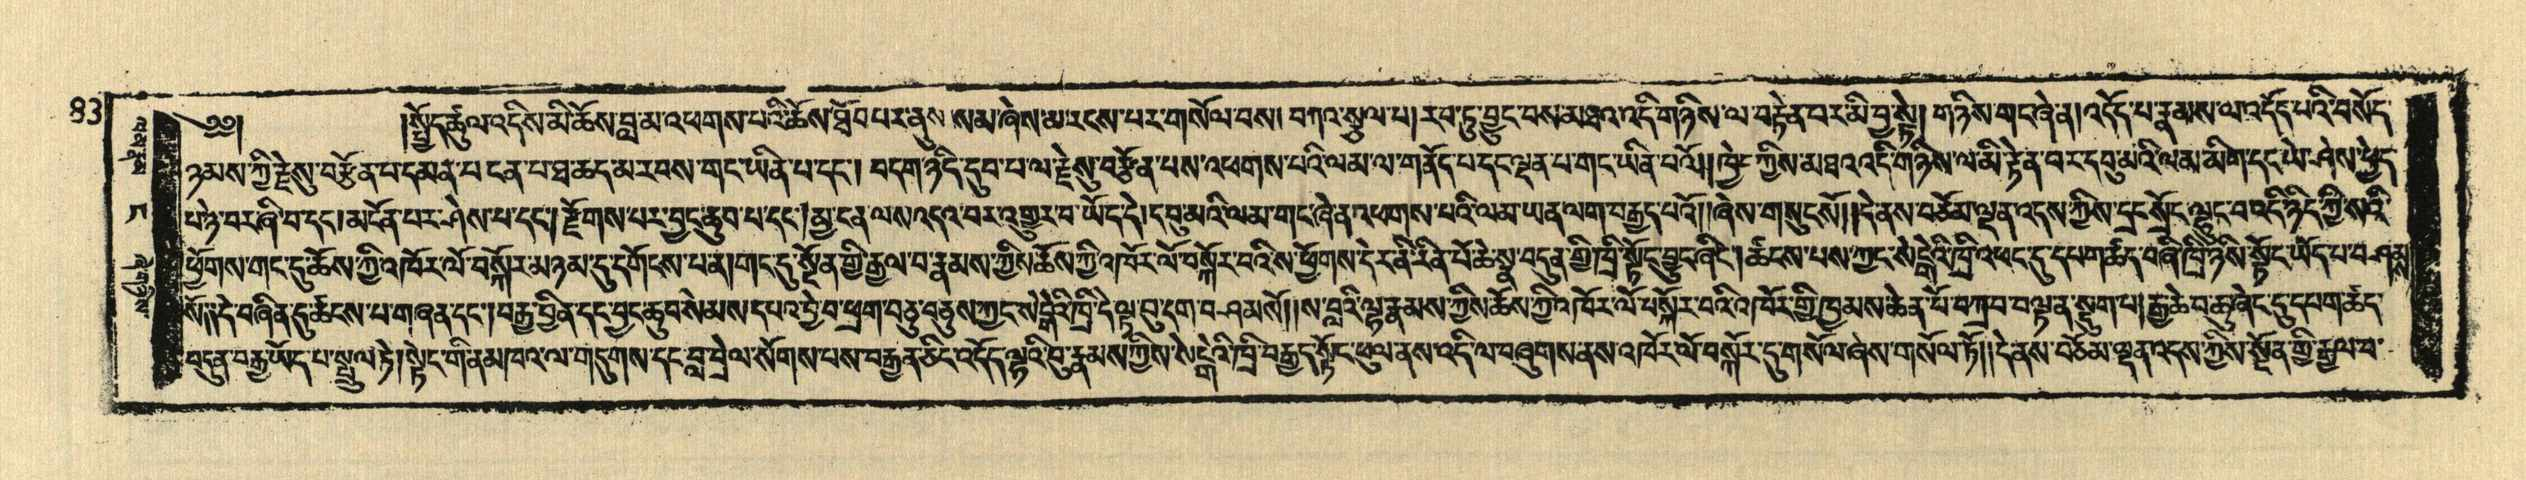༄༅། །སྤྱོད་ཚུལ་འདིས་མི་ཆོས་བླ་མ་འཕགས་པའི་ཆོས་ཐོབ་པར་ནུས་སམ་ཞེས་མ་རངས་པར་གསོལ་བས། བཀའ་སྩལ་པ། རབ་ཏུ་བྱུང་བས་མཐའ་འདི་གཉིས་ལ་བརྟེན་བར་མི་བྱ་སྟེ། གཉིས་གང་ཞེ་ན། འདོད་པ་རྣམས་ལ་འདོད་པའི་བསོད་
ཉམས་ཀྱི་རྗེས་སུ་བརྩོན་པ་དམན་པ་ངན་པ་ཐ་ཆད་མ་རབས་གང་ཡིན་པ་དང་། བདག་ཉིད་དུབ་པ་ལ་རྗེས་སུ་བརྩོན་པས་འཕགས་པའི་ལམ་ལ་གནོད་པ་དང་ལྡན་པ་གང་ཡིན་པའོ། །ཁྱེད་ཀྱིས་མཐའ་འདི་གཉིས་ལ་མི་རྟེན་བར་དབུ་མའི་ལམ་མིག་དང་ཡེ་ཤེས་ཕྱེད་
པ་ཉེ་བར་ཞི་བ་དང་། མངོན་པར་ཤེས་པ་དང་། རྫོགས་པར་བྱང་ཆུབ་པ་དང་། མྱ་ངན་ལས་འདའ་བར་འགྱུར་བ་ཡོད་དེ། དབུ་མའི་ལམ་གང་ཞེ་ན་འཕགས་པའི་ལམ་ཡན་ལག་བརྒྱད་པའོ། །ཞེས་གསུངས་སོ། །དེ་ནས་བཅོམ་ལྡན་འདས་ཀྱིས་དྲང་སྲོང་ལྷུང་བ་འདི་ཉིད་ཀྱི་སའི་
ཕྱོགས་གང་དུ་ཆོས་ཀྱི་འཁོར་ལོ་བསྐོར་མཉམ་དུ་དགོངས་པ་ན། གང་དུ་སྔོན་གྱི་རྒྱལ་བ་རྣམས་ཀྱིས་ཆོས་ཀྱི་འཁོར་ལོ་བསྐོར་བའི་ས་ཕྱོགས་དེར་ནི་རིན་པོ་ཆེ་སྣ་བདུན་གྱི་ཁྲི་སྟོང་བྱུང་ཞིང་། ཚངས་པས་ཀྱང་སེངྒེའི་ཁྲི་འཕང་དུ་དཔག་ཚད་བཞི་ཁྲི་ཉིས་སྟོང་ཡོད་པ་བཤམས།
སོ༑ ༑དེ་བཞིན་དུ་ཚངས་པ་གཞན་དང་། བརྒྱ་བྱིན་དང་བྱང་ཆུབ་སེམས་དཔའ་བྱེ་བ་ཕྲག་བཅུ་བཅུས་ཀྱང་སེངྒེའི་ཁྲི་དེ་ལྟ་བུ་དག་བཤམ་སོ། །ས་བླའི་ལྷ་རྣམས་ཀྱིས་ཆོས་ཀྱི་འཁོར་ལོ་བསྐོར་བའི་འཁོར་གྱི་ཁྱམས་ཆེན་པོ་བཀྲབ་བལྟ་ན་སྡུག་པ། རྒྱ་ཆེ་བ་ཆུ་ཞེང་དུ་དཔག་ཚད་
བདུན་བརྒྱ་ཡོད་པ་སྤྲུལ་ཏེ། སྟེང་གི་ནམ་མཁའ་ལ་གདུགས་དང་བླ་བྲེལ་སོགས་པས་བརྒྱན་ཅིང་འདོད་ལྷའི་བུ་རྣམས་ཀྱིས་སེངྒེའི་ཁྲི་བརྒྱད་སྟོང་ཕུལ་ནས་འདི་ལ་བཞུགས་ནས་འཁོར་ལོ་བསྐོར་དུ་གསོལ་ཞེས་གསོལ་ཏོ། །དེ་ནས་བཅོམ་ལྡན་འདས་ཀྱིས་སྔོན་གྱི་རྒྱལ་བ་